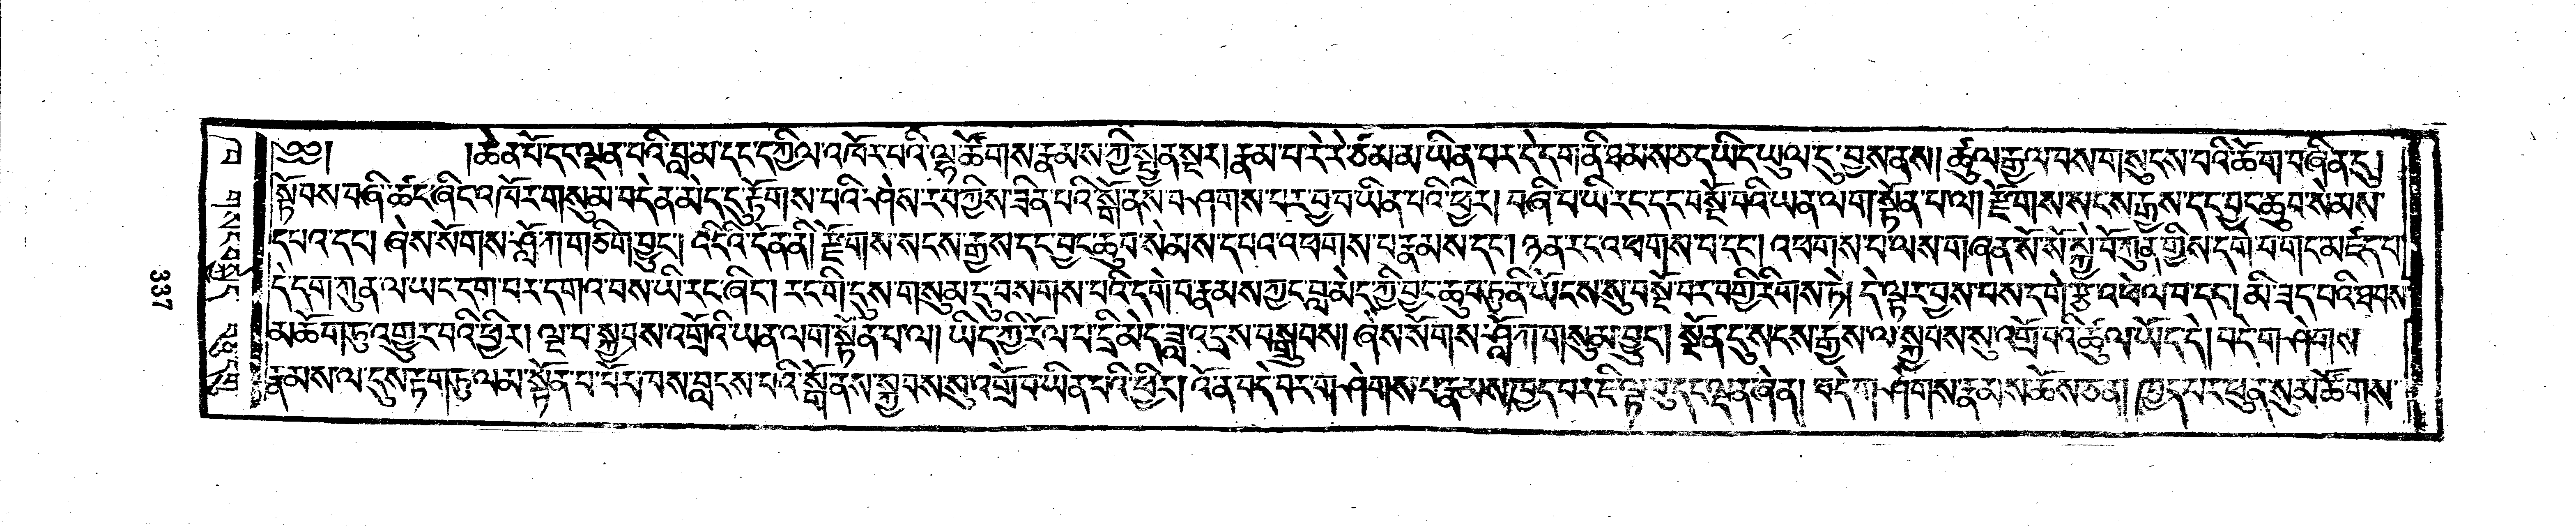༄༅། །ཆེན་པོ་དང་ལྡན་པའི་བླ་མ་དང་དཀྱིལ་འཁོར་པའི་ལྷ་ཚོགས་རྣམས་ཀྱི་སྤྱན་སྔར། རྣམ་པ་རེ་རེ་ཙམ་མ་ཡིན་པར་དེ་དག་ནི་ཐམས་ཅད་ཡིད་ཡུལ་དུ་བྱས་ནས། ཚུལ་རྒྱལ་བས་གསུངས་པའི་ཆོ་ག་བཞིན་དུ།
སྟོབས་བཞི་ཚང་ཞིང་འཁོར་གསུམ་བདེན་མེད་དུ་རྟོགས་པའི་ཤེས་རབ་ཀྱིས་ཟིན་པའི་སྒོ་ནས་བཤགས་པར་བྱ་བ་ཡིན་པའི་ཕྱིར། བཞི་བ་ཡི་རང་དང་བསྔོ་བའི་ཡན་ལག་སྟོན་པ་ལ། རྫོགས་སངས་རྒྱས་དང་བྱང་ཆུབ་སེམས་
དཔའ་དང་། ཞེས་སོགས་ཤློ་ཀ་གཅིག་བྱུང་། འདིའི་དོན་ནི། རྫོགས་སངས་རྒྱས་དང་བྱང་ཆུབ་སེམས་དཔའ་འཕགས་པ་རྣམས་དང་། ཉན་རང་འཕགས་པ་དང་། འཕགས་པ་ལས་གཞན་སོ་སོ་སྐྱེ་བོ་ཀུན་གྱིས་དགེ་པ་གང་མཛད་པ་
དེ་དག་ཀུན་ལ་ཡང་དག་པར་དགའ་པས་ཡི་རང་ཞིང་། རང་གི་དུས་གསུམ་དུ་བསགས་པའི་དགེ་བ་རྣམས་ཀྱང་བླ་མེད་ཀྱི་བྱང་ཆུབ་ཏུ་ནི་ཡོངས་སུ་བསྔོ་བར་བགྱི་རིགས་ཏེ། དེ་ལྟར་བྱས་པས་དགེ་རྩ་འཕེལ་བ་དང་། མི་ཟད་པའི་ཐབས་
མཆོག་ཏུ་འགྱུར་བའི་ཕྱིར། ལྔ་བ་སྐྱབས་འགྲོའི་ཡན་ལག་སྟོན་པ་ལ། ཡིད་ཀྱི་རོལ་པ་དྲི་མེད་ཟླ་འདྲས་བསྒྲུབས། ཞེས་སོགས་ཤློ་ཀ་གསུམ་བྱུང་། སྔོན་དུ་སངས་རྒྱས་ལ་སྐྱབས་སུ་འགྲོ་བའི་ཚུལ་ཡོད་དེ། བདེ་གཤེགས་
རྣམས་ལ་དུས་རྟག་ཏུ་ལམ་སྟོན་པ་པོར་ཁས་བླངས་པའི་སྒོ་ནས་སྐྱབས་སུ་འགྲོ་བ་ཡིན་པའི་ཕྱིར། འོན་བདེ་བར་གཤེགས་པ་རྣམས་ཁྱད་པར་ཇི་ལྟ་བུ་དང་ལྡན་ཞེ་ན། བདེ་གཤེགས་རྣམས་ཆོས་ཅན། ཁྱད་པར་ཕུན་སུམ་ཚོགས་